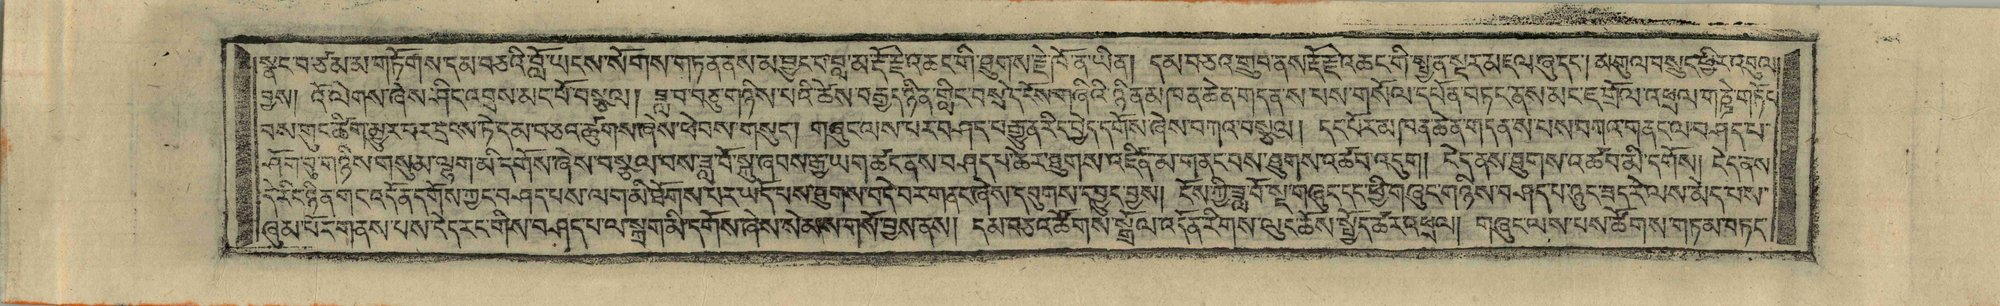སྣང་བ་ཙམ་མ་གཏོགས་དམ་བཅའི་བློ་ཡངས་སོགས་གཏན་ནས་མ་བྱུང་བ་བླ་མ་རྡོ་རྗེ་འཆང་གི་ཐུགས་རྗེ་ཁོ་ན་ཡིན། དམ་བཅའ་གྲུབ་ནས་རྡོ་རྗེ་འཆང་གི་སྤྱན་སྔར་མཇལ་ཞུ་དང་། མགུལ་བསྲུང་ཕྱིར་འབུལ་
བྱས། འོ་ལེགས་ཞེས་ཤིང་འབྲས་མང་པོ་བསྩལ། ཟླ་བ་བཅུ་གཉིས་པའི་ཚེས་བརྒྱད་ཉིན་གླིང་བསྲེ་དངོས་གཞིའི་ཉིན་མཁན་ཆེན་གདན་ས་པས་གསོལ་དཔོན་བཏང་ནས་མང་ཇ་གྲོལ་འཕྲལ་གཎྜེ་གཏོང་
པས་གུང་ཚིག་མྱུར་བར་དྲངས་ཏེ་དམ་བཅའ་ཚུགས་ཞེས་ཕེབས་གསུང་། གཞུང་ལས་པར་བཤད་པ་རྒྱུན་རིང་བྱེད་དགོས་ཞེས་བཀའ་བསྩལ། དང་པོར་མཁན་ཆེན་གདན་ས་པས་བཀའ་གནང་ལ་བཤད་པ་
ཤོག་པུ་གཉིས་གསུམ་ལྷག་མི་དགོས་ཞེས་བསྩལ་བས་ཟླ་བོ་སྐུ་ཞབས་རྒྱ་ཡག་ཚང་ནས་བཤད་པ་ཆེར་ཐུགས་འཛིན་མ་གནང་བས་ཐུགས་འཚབ་འདུག །ངེད་ནས་ཐུགས་འཚབ་མི་དགོས། ངེད་ནས་
དེ་རིང་ཉིན་གང་འདོན་དགོས་ཀྱང་བཤད་པས་ལག་མི་ཐོགས་པར་ཡོད་པས་ཐུགས་བདེ་བར་གནང་ཞེས་དབུགས་དབྱུང་བྱས། ངོས་ཀྱི་ཟླ་བོ་སྔ་གཞུང་དང་ཕྱི་གཞུང་གཉིས་བཤད་པ་ཉུང་ཟད་རེ་ལས་མེད་པས་
ཞུམ་པོར་གནས་པས་ངེད་རང་གིས་བཤད་པ་ལ་སྐྲག་མི་དགོས་ཞེས་སེམས་གསོ་བྱས་ནས། དམ་བཅའ་ཚོགས་སྒྲོལ་འདོན་རིགས་ལུང་ཆོས་སྤྱོད་ཚར་འཕྲལ། གཞུང་ལས་པས་ཚོགས་གཏམ་བཏང་